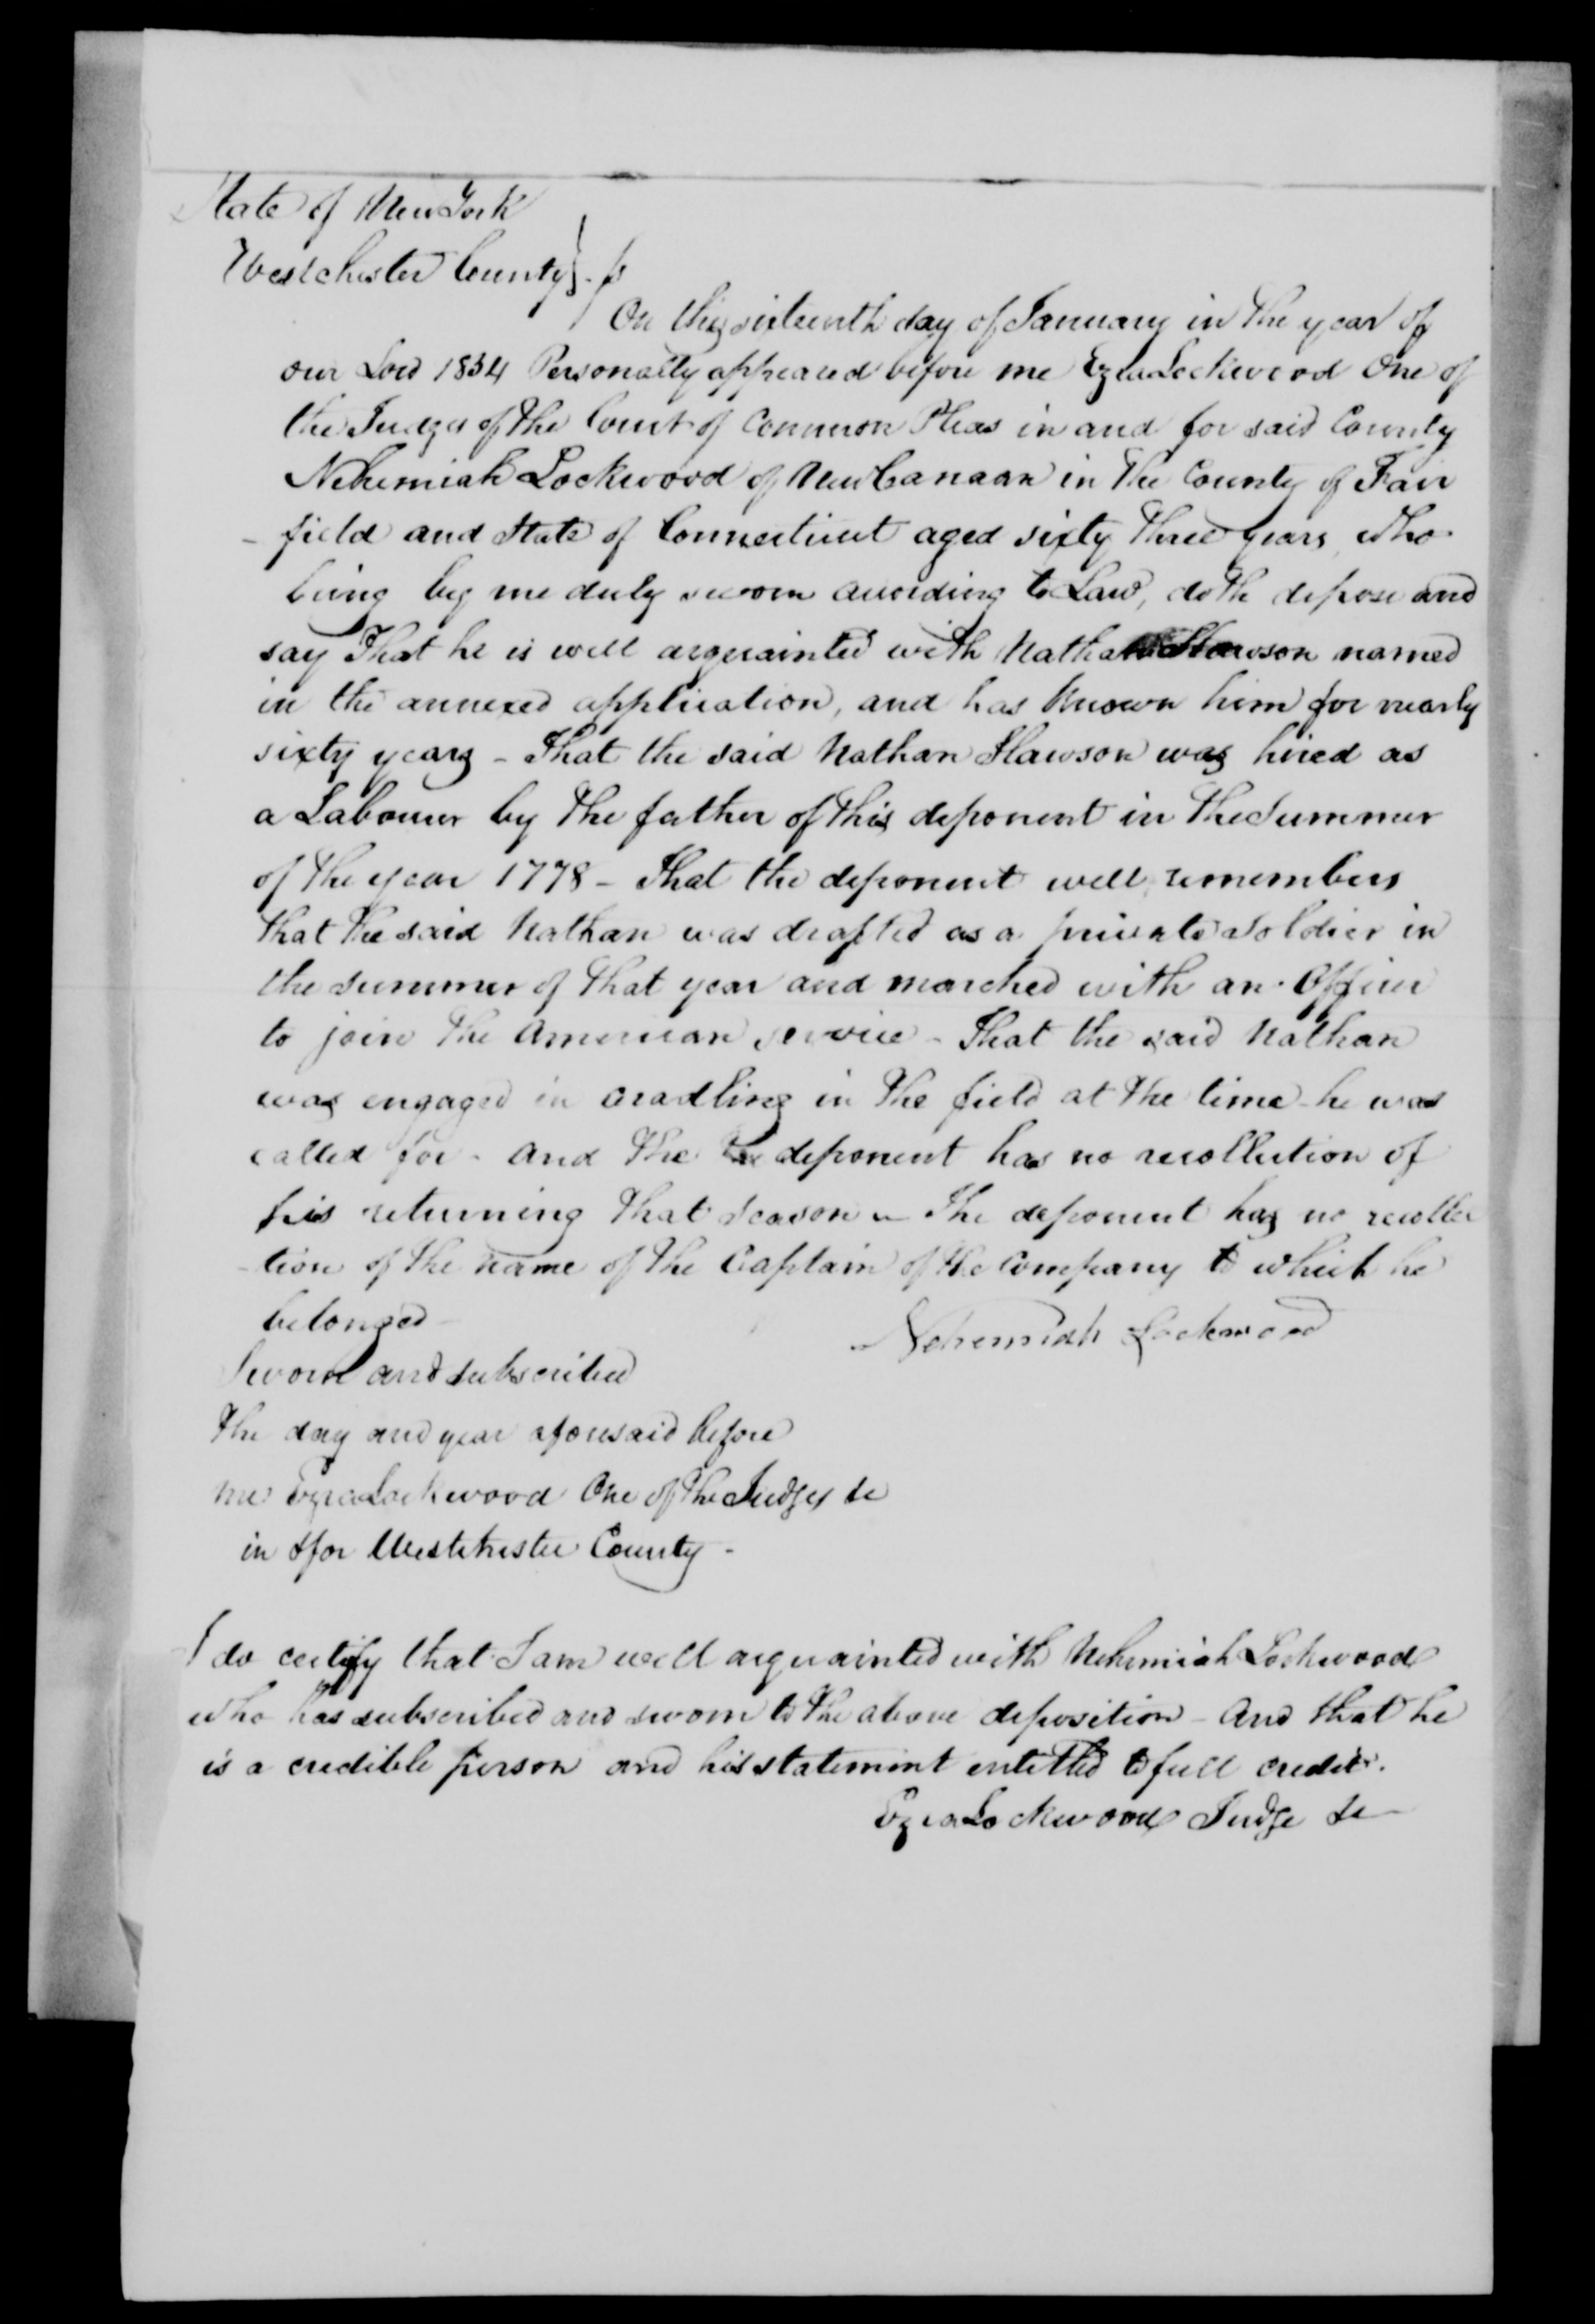State of New York 
Westchester County} ss On this sixteenth day of January in the year of our Lord 1834 Personally appeared before me Ezra Lockwood one of the Judges of the Court of Common Pleas in and for said County Nehemiah Lockwood of New Canaan in the County of Fairfield and State of Connecticut aged sixty three years who being by me duly sworn according to Law, doth depose and say that he is well acquainted with Nathan Slawson named in the annexed application, and has known him for nearly sixty years. That the said Nathan Slawson was hired as a laborer by the father of this deponent in the Summer of the year 1778. That the deponent well remembers that the said Nathan was drafted as a private soldier in the summer of that year and marched with an Officer to join the American service. That the said Nathan was engaged in guarding in the field at the time he was called for and the deponent has no recollection of his returning that season. The deponent has no recollection of the name of the Captain of the Company to which he belonged.
Nehemiah Lockwood
Sworn and subscribed the day and year aforesaid before me Ezra Lockwood one of the Judges in & for Westchester County 
I do certify that I am well acquainted with Nehemiah Lockwood who has subscribed and sworn to the above deposition and that he is a credible person and his statement entitled to full credit 
Ezra Lockwood Judge &c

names: Ezra Lockwood; Nathan [BLANK]; Nehemiah Lockwood; Ezra Lockwood; Nathan Slawson; Nathan Slawson; Nehemiah Lockwood; Nehemiah Lockwood; Nathan [BLANK]; Ezra Lockwood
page: 69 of 87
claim: widow's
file: W. 22,226, for Nathan Slawson, Connecticut